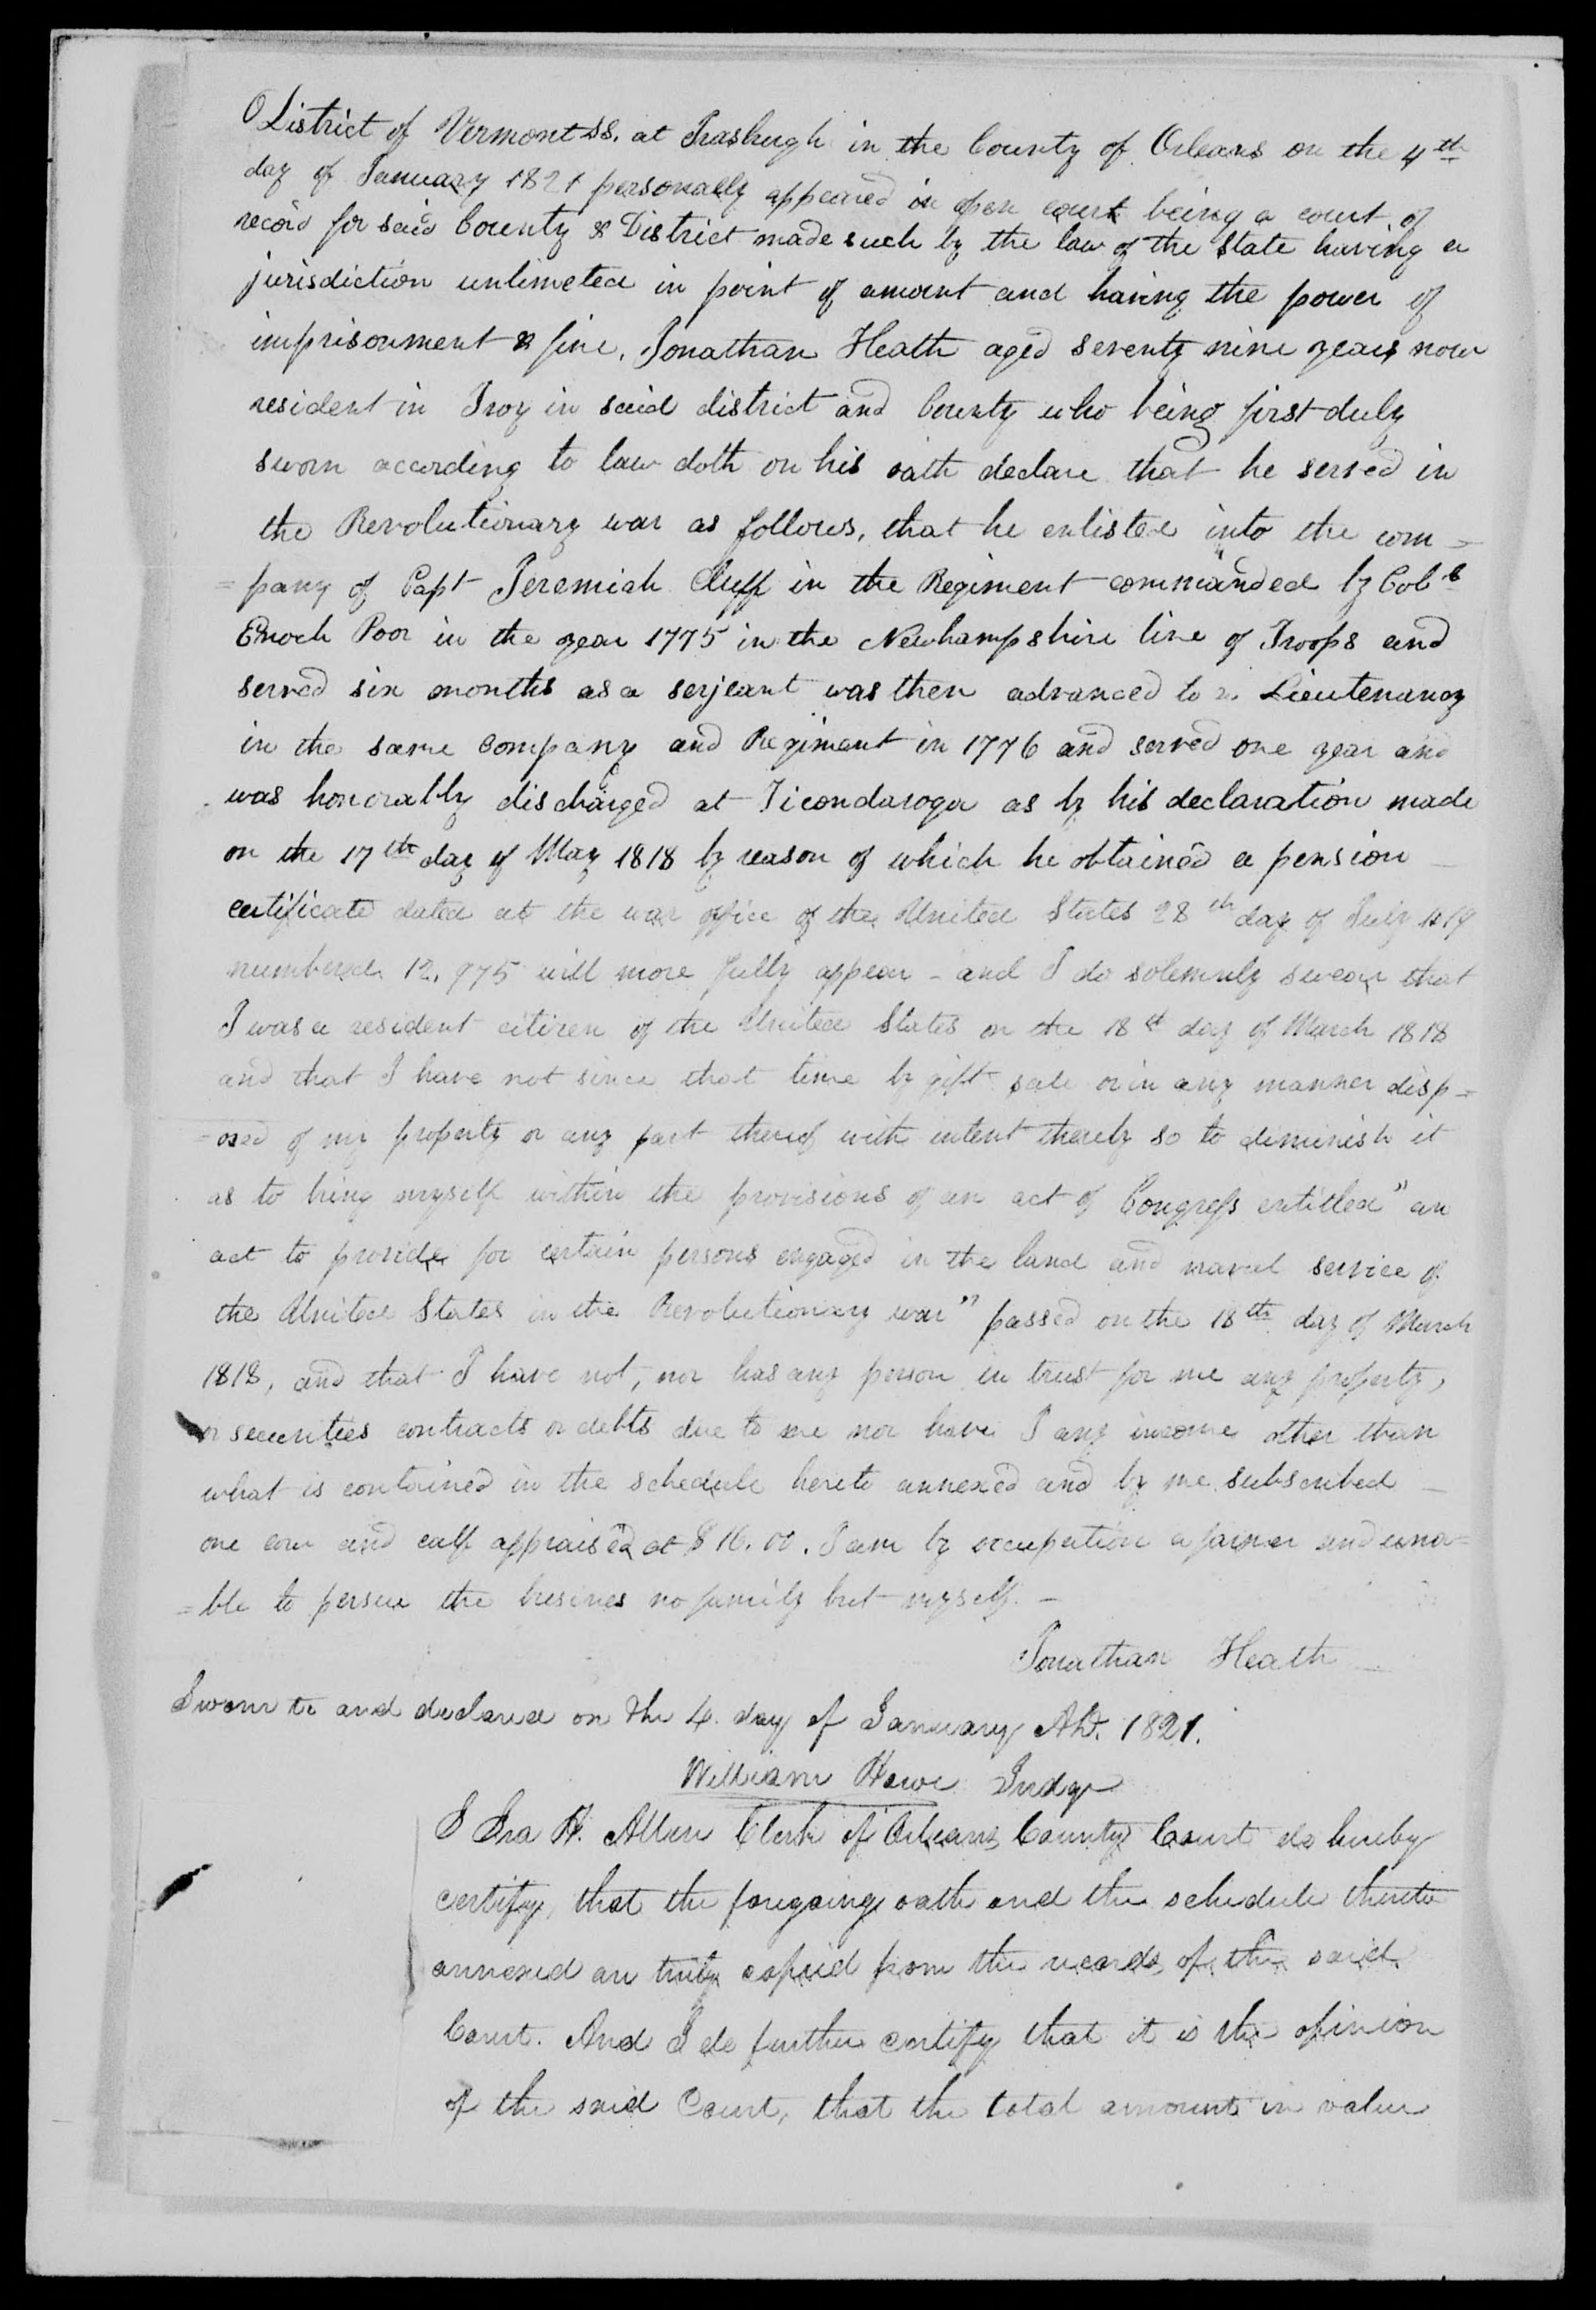District of Vermont ss. at Trasburgh in the County of Orleans on the 4th day of January 1821 personally appeared in open court being a court of record for said County & District made such by the law of the State having a
jurisdiction unlimited in point of amount and have in the power of imprisonment & fine, Jonathan Heath aged seventy nine years now
resident in Iray in said district and County who being first duly sworn according to law doth on his oath declare that he served in the Revolutionary war as follows, that he enlisted into the company of Capt Jeremiah Duff in the Regiment commanded by Col Enoch Poor in the year 1775 in the New Hampshire line of Troops and served six months as a serjeant was then advanced to a Lieutenancy in the same Company and Regiment in 1776 and served one year and was honorably discharged at Ticonderoga as by his declaration made on the 17th day of May 1818 by reason of which he obtained a pension certificate dated at the war office of the United States 28th day of July 1819 numbered 12, 975 will more fully appear-- and I do solemnly swear that I was a resident citizen of the United States on the 18th day of March 1818 and that I have not since that time by gift sale or in any manner disposed of my property or any part thereof with intent thereby so to diminish it as to him & myself within the provisions of an act of Congress entitled"an
act to provide for certain persons engaged in the land and naval service of the United States in the Revolutionary war"" passed on the 18th day of March 1818, and that I have not, nor has any person in trust for me any property,
securities contracts or debts due to me nor have I any income other than what is contained in the schedule hereto annexed and by me subscribed one cow and calf appraised at $1,00. I am by occupation a farmer and unable to persue the pensions no family but myself.

Jonathan Heath Sworn to and declared on the 4 day of January AD. 1821.
---
William Howe Judge
I Ira H Allen Clerk of Orleans County Court do hereby certify that the foregoing oath and the schedule thereto annexed an truly copied from the words of the said Court. And I do further certify that it is the opinion of the said Court, that the total amount in value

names: Jonathan Heath, Jeremiah Cluff, Ira H Allen, Enoch Poor, Jonathan Heath, William Howe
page: 11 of 22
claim: survivor's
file: S. 38821, Jonathan Heath, Continental N.H.